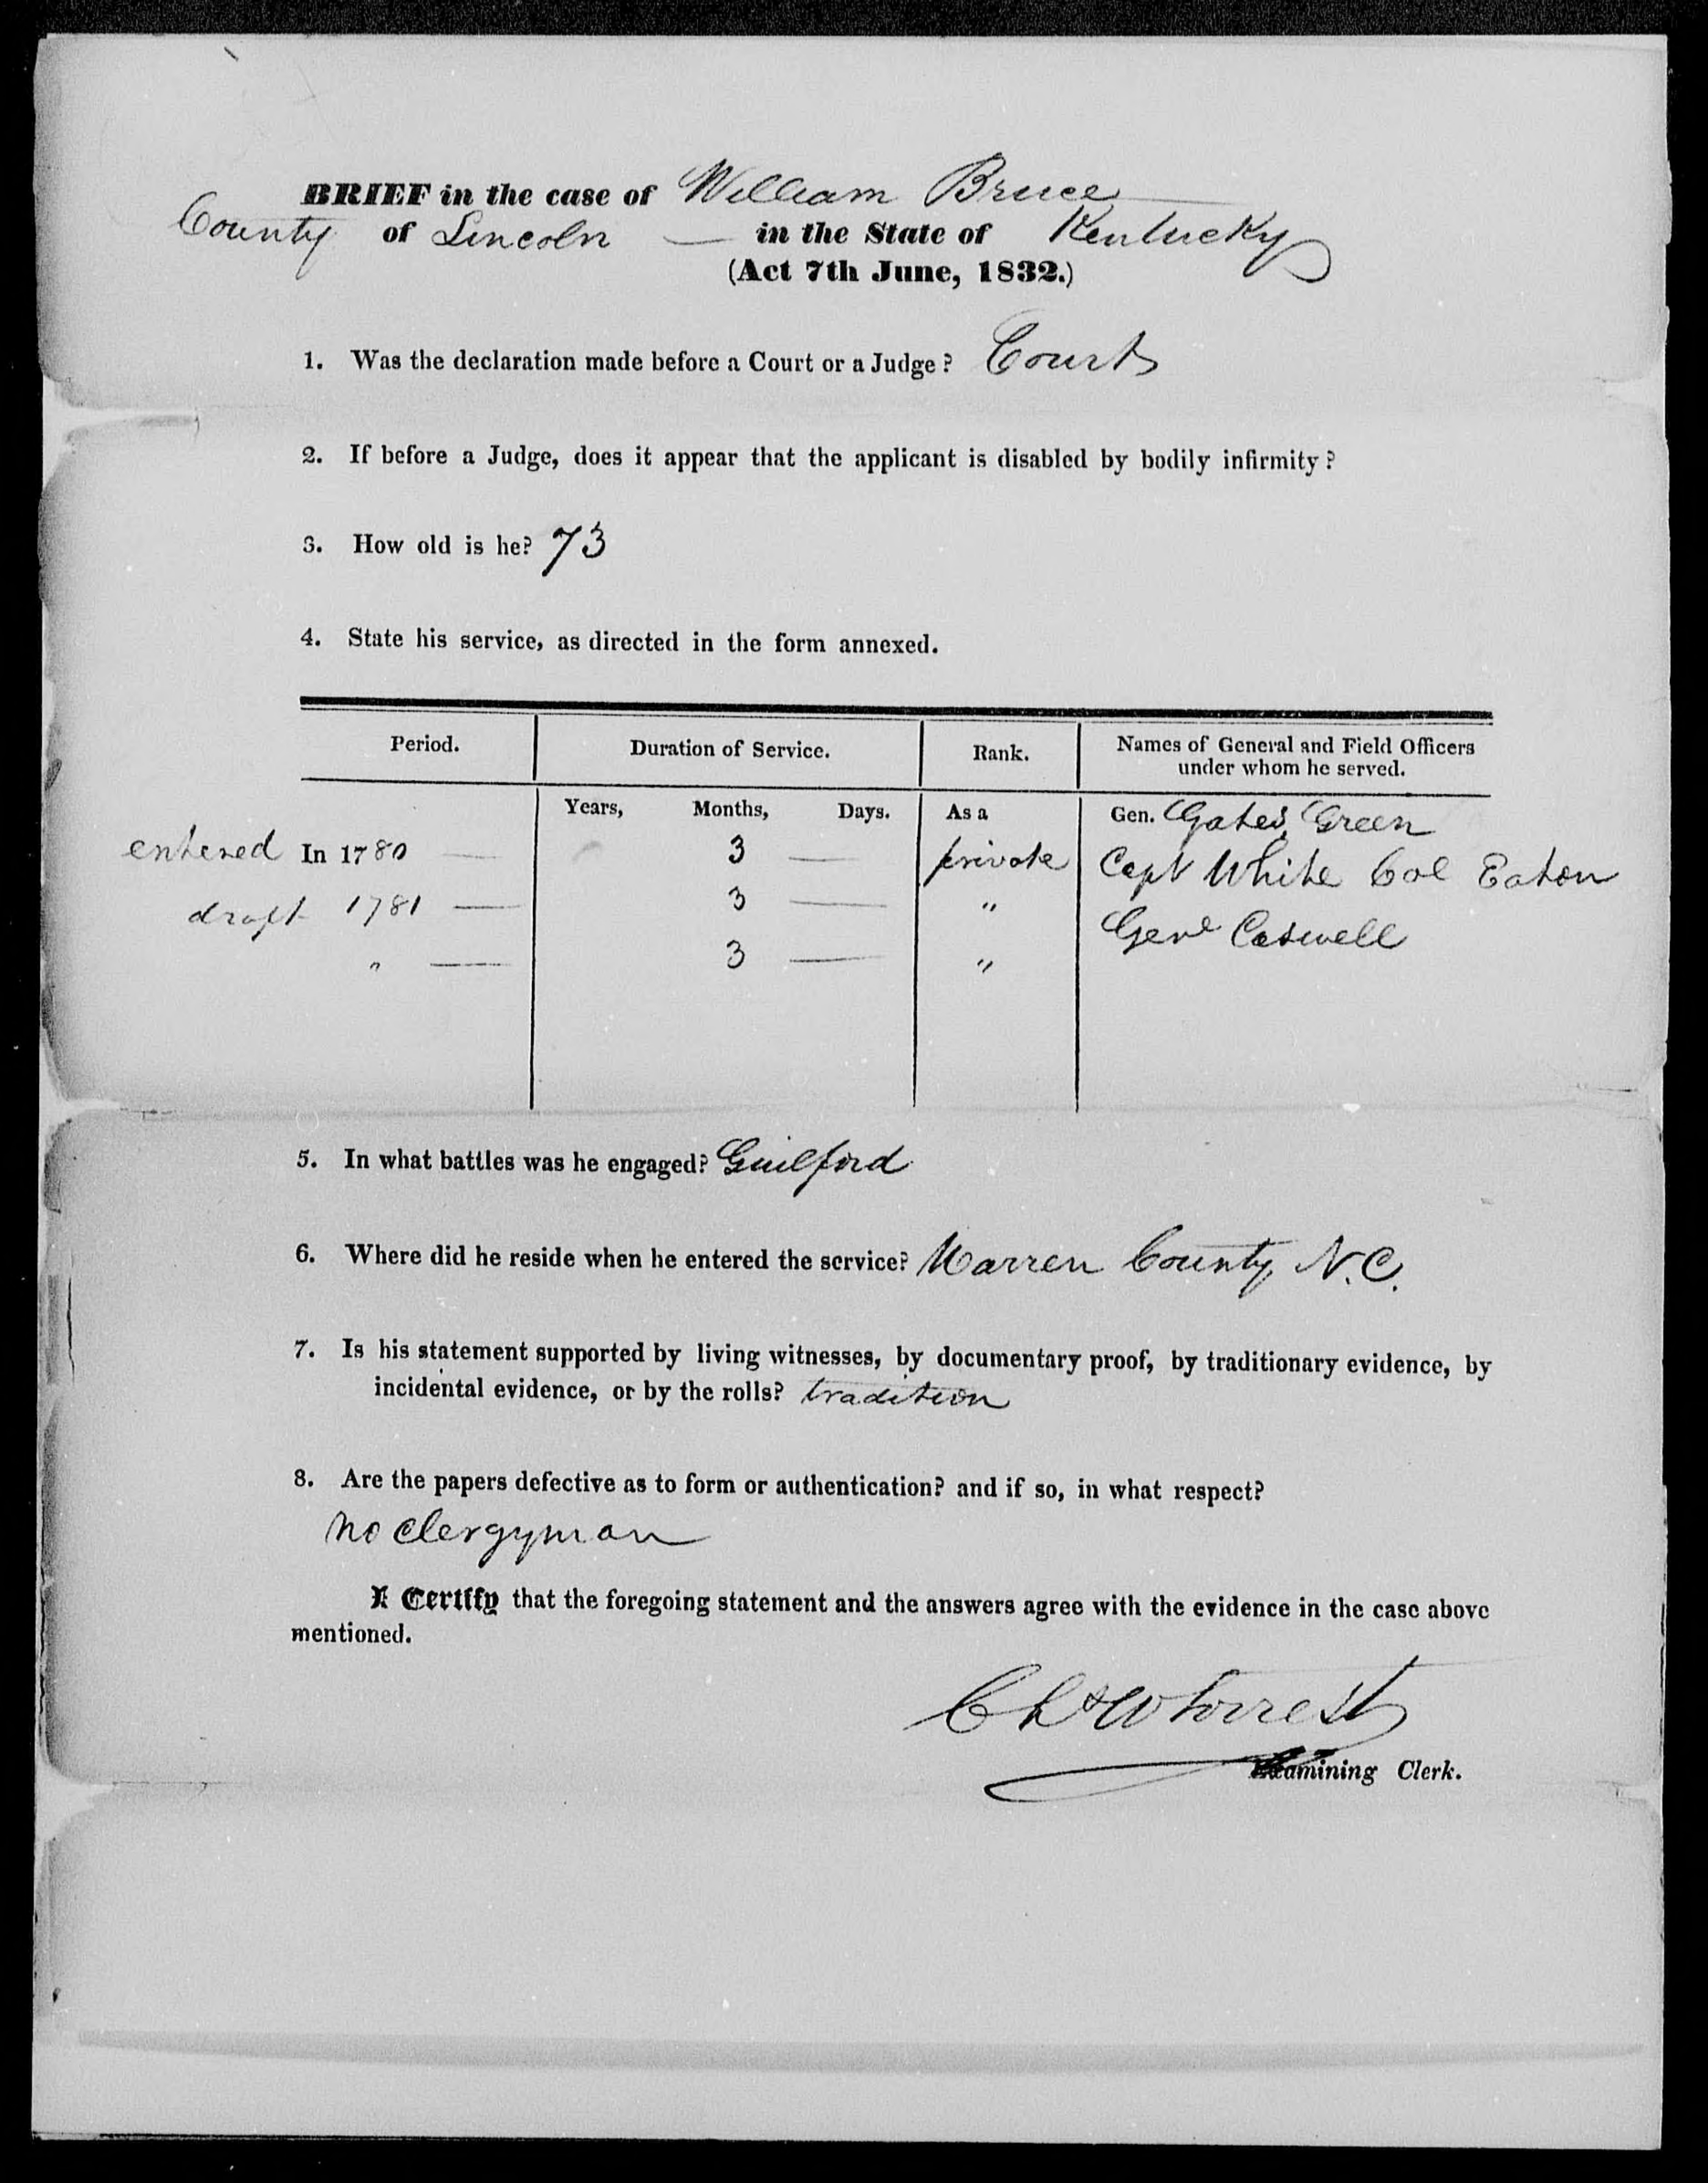[typed form, with handwritten responses]

BRIEF in the case of William Bruce, of the County of Lincoln in the State of Kentucky

(Act 7th JUNE, 1832.)

1.  Was the declaration made before a Court or a Judge: Court

2.  If before a Judge, does it appear that the applicant is disabled by bodily infirmity?

3.  How old is he: 73

4.  State his service, as directed in the form annexed.

[column headings: Period. Duration of Service. Rank. Names of General and Field Officers under whom he served.]
Entered in 1780 --3 [months] private Gen. Gates, Green Capt. White Col. Eaton

Draft 1781 --3 [months] “ [private] Genl. Caswell

“ [1781] --3 [months] “ [private]

5.  In what battles was he engaged? Guilford

6.  Where did he reside when he entered the service? Warren County, N. C.

7.  Is his statement supported by living witnesses, by documentary proof, by traditionary evidence, by incidental evidence, or by the rolls? Tradition

8.  Are the papers defective as to form or authentication? and if so, in what respect? No Clergyman

I Certify that the foregoing statement and the answers agree with the evidence in the case above mentioned.

Chs Whorrest
Examining Clerk.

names: Gates Green, William Bruce, Eaton, Chs Whorrest, White, Caswell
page: 10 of 54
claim: survivor's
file: S. 30287, William Bruce, N.C.